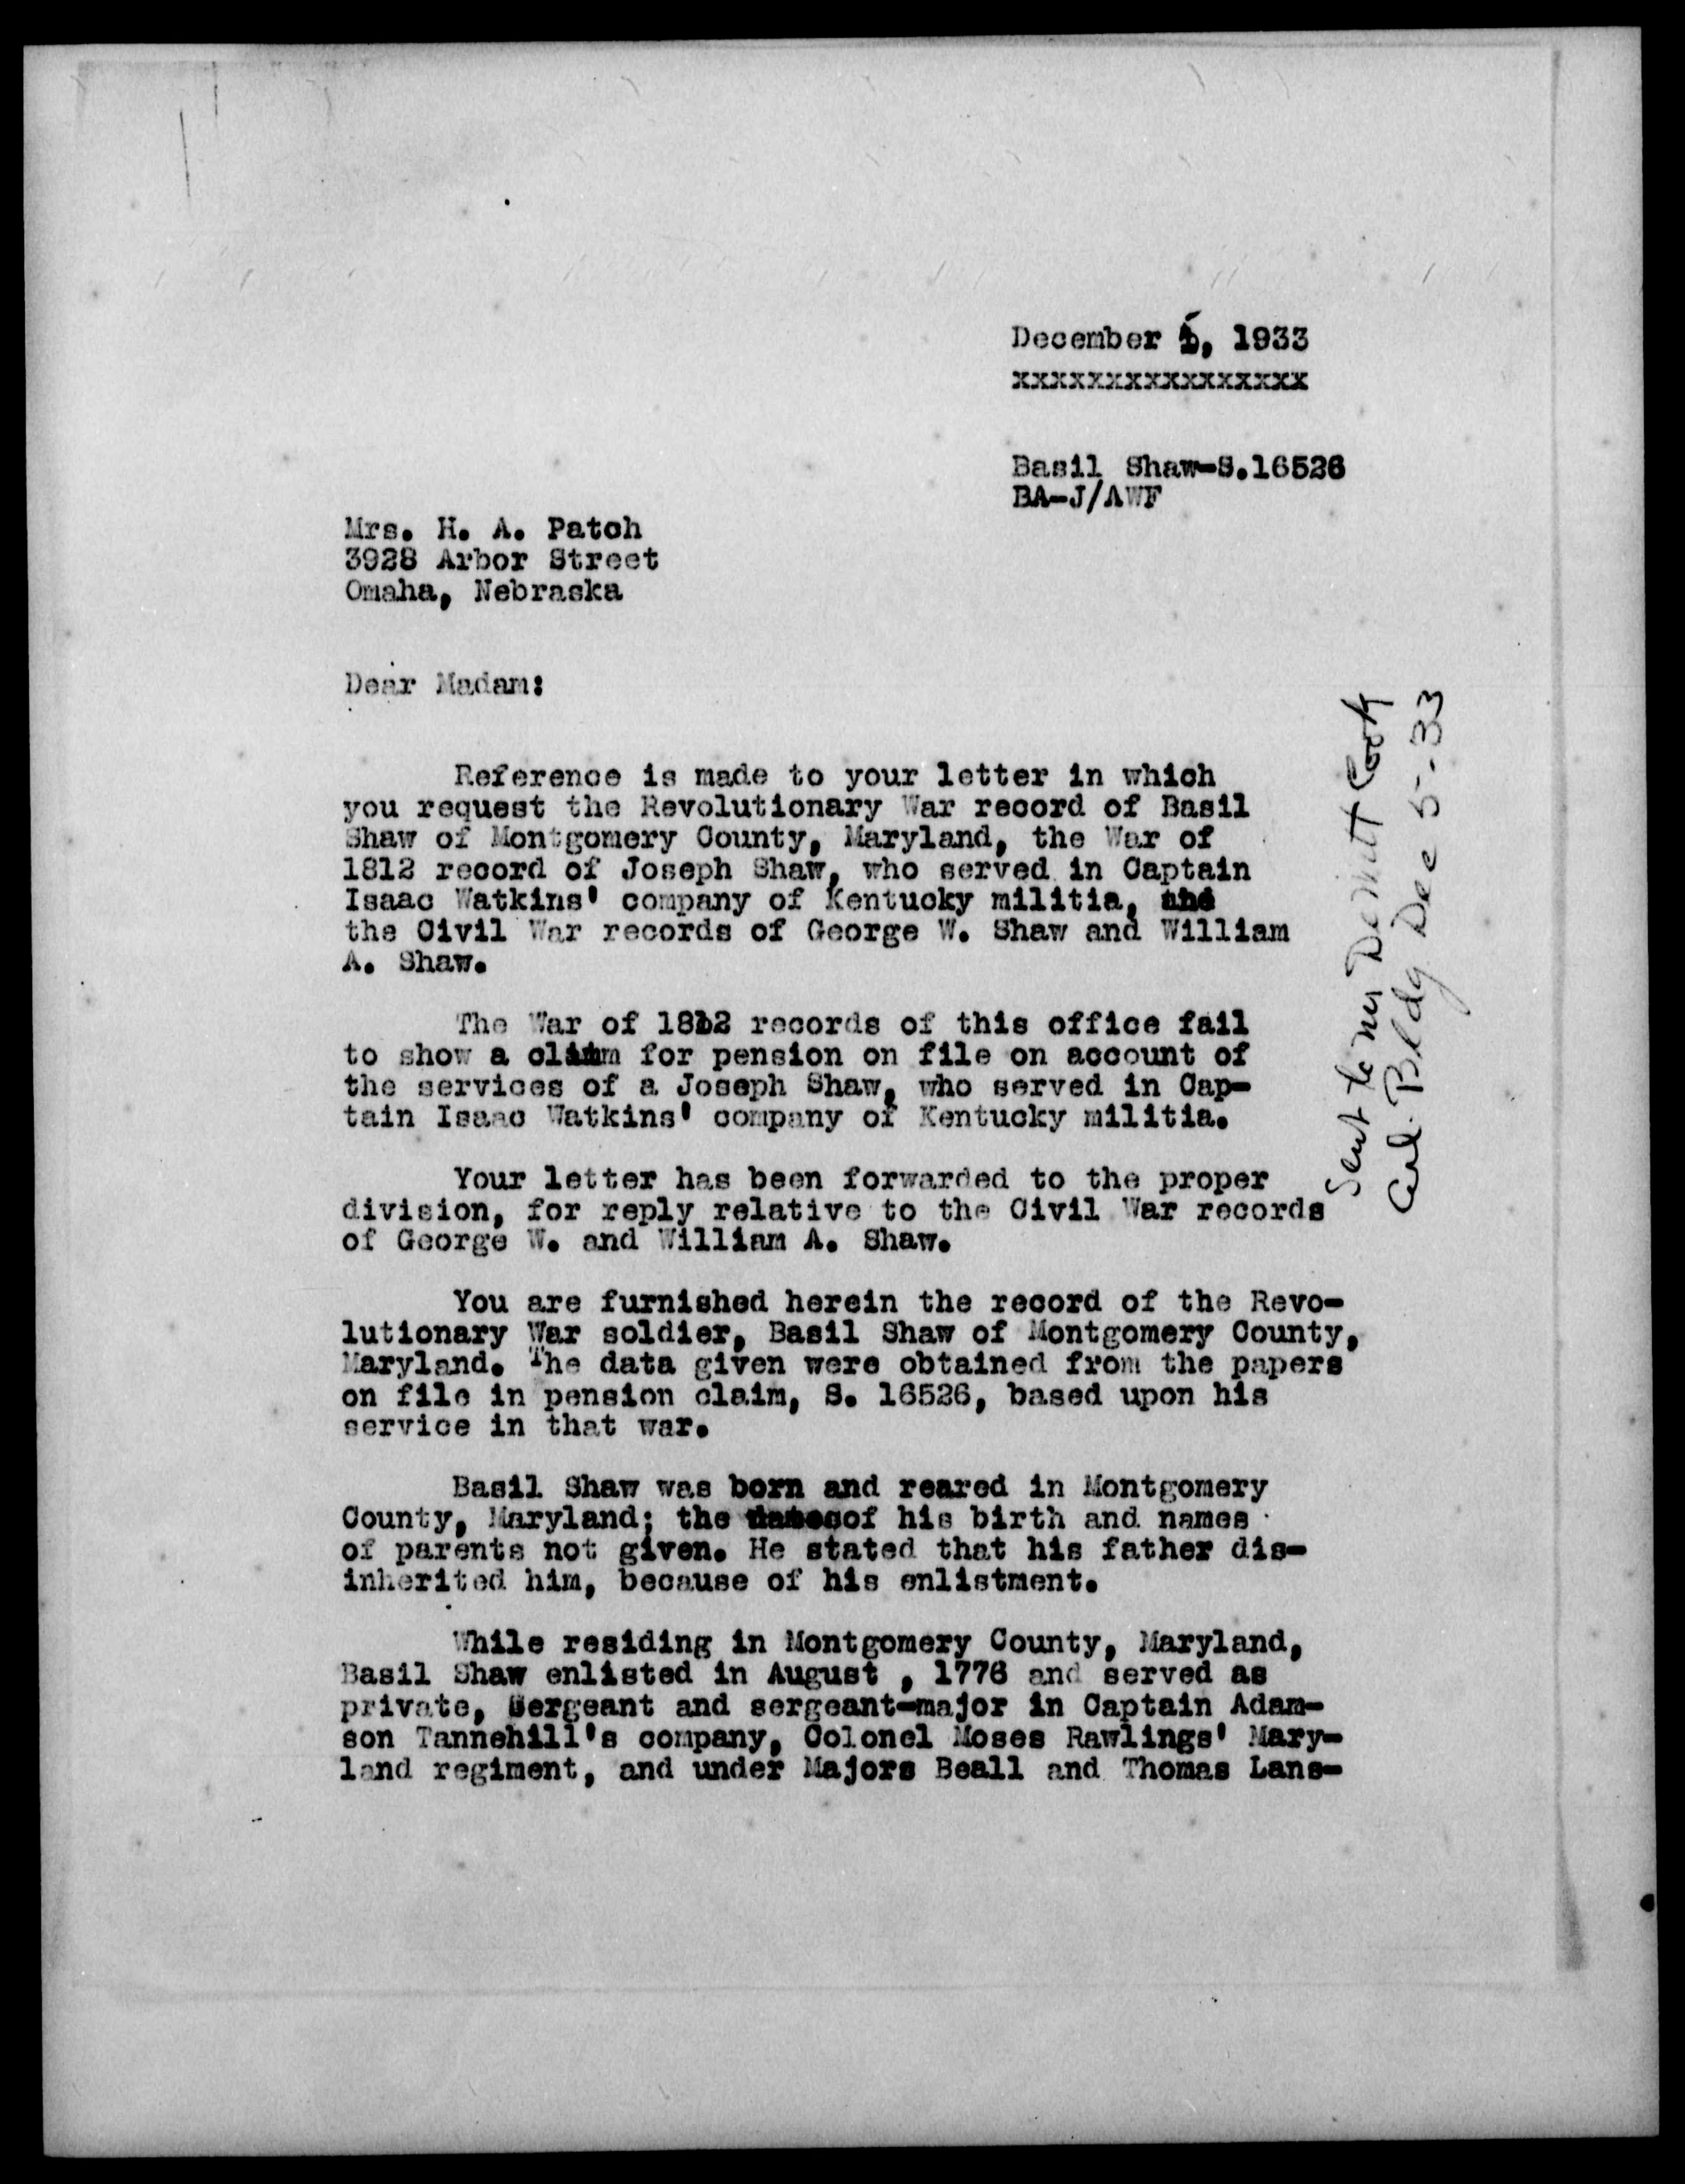December 5, 1933
Basil Shaw - S. 16526
BA-J/AWF
Mrs. H.A. Patch
3928 Arbor Street
Omaha, Nebraska

Dear Madam:
Reference is made to your letter in which
you request the Revolutionary War record of Basil Shaw of Montgomery County, Maryland, the War of 1812 record of Joseph Shaw, who served in Captain Isaac Watkins' company of Kentucky militia, and the Civil War records of George w. Shaw and William A. Shaw.
The War of 1812 records of this office fail
to show a claim for pension on file on account of the services of a Joseph Shaw, who served in Captain
Isaac Watkins' company of Kentucky militia.
Your letter has been forwarded to the proper
division, for reply relative to the Civil War records
of George W. and William A. Shaw.
You are furnished herein the record of the Revolutionary
War soldier, Basil Shaw of Montgomery County,
Maryland. The data given were obtained from the papers
on file in pension claim, S. 16526, based upon his
service in that war.
Basil Shaw was born and reared in Montgomery
County, Maryland; the date of his birth and names
of parents not given. He stated that his father disinherited
him, because of his enlistment.
While residing in Montgomery County, Maryland,
Basil Shaw enlisted in August, 1776 and served as
private, Sergeant and sergeant-major in Captain Adamson
Tannehill's company, Colonel Moses Rawlings' Maryland
regiment, and under Majors Beall and Thomas Lansdale;

[right margin]
Sent to Mr Dewitt Cook 
[illegible] Bldg Dec 5 - 33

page: 10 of 32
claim: survivor's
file: S. 16,526, for Basil Shaw, Maryland